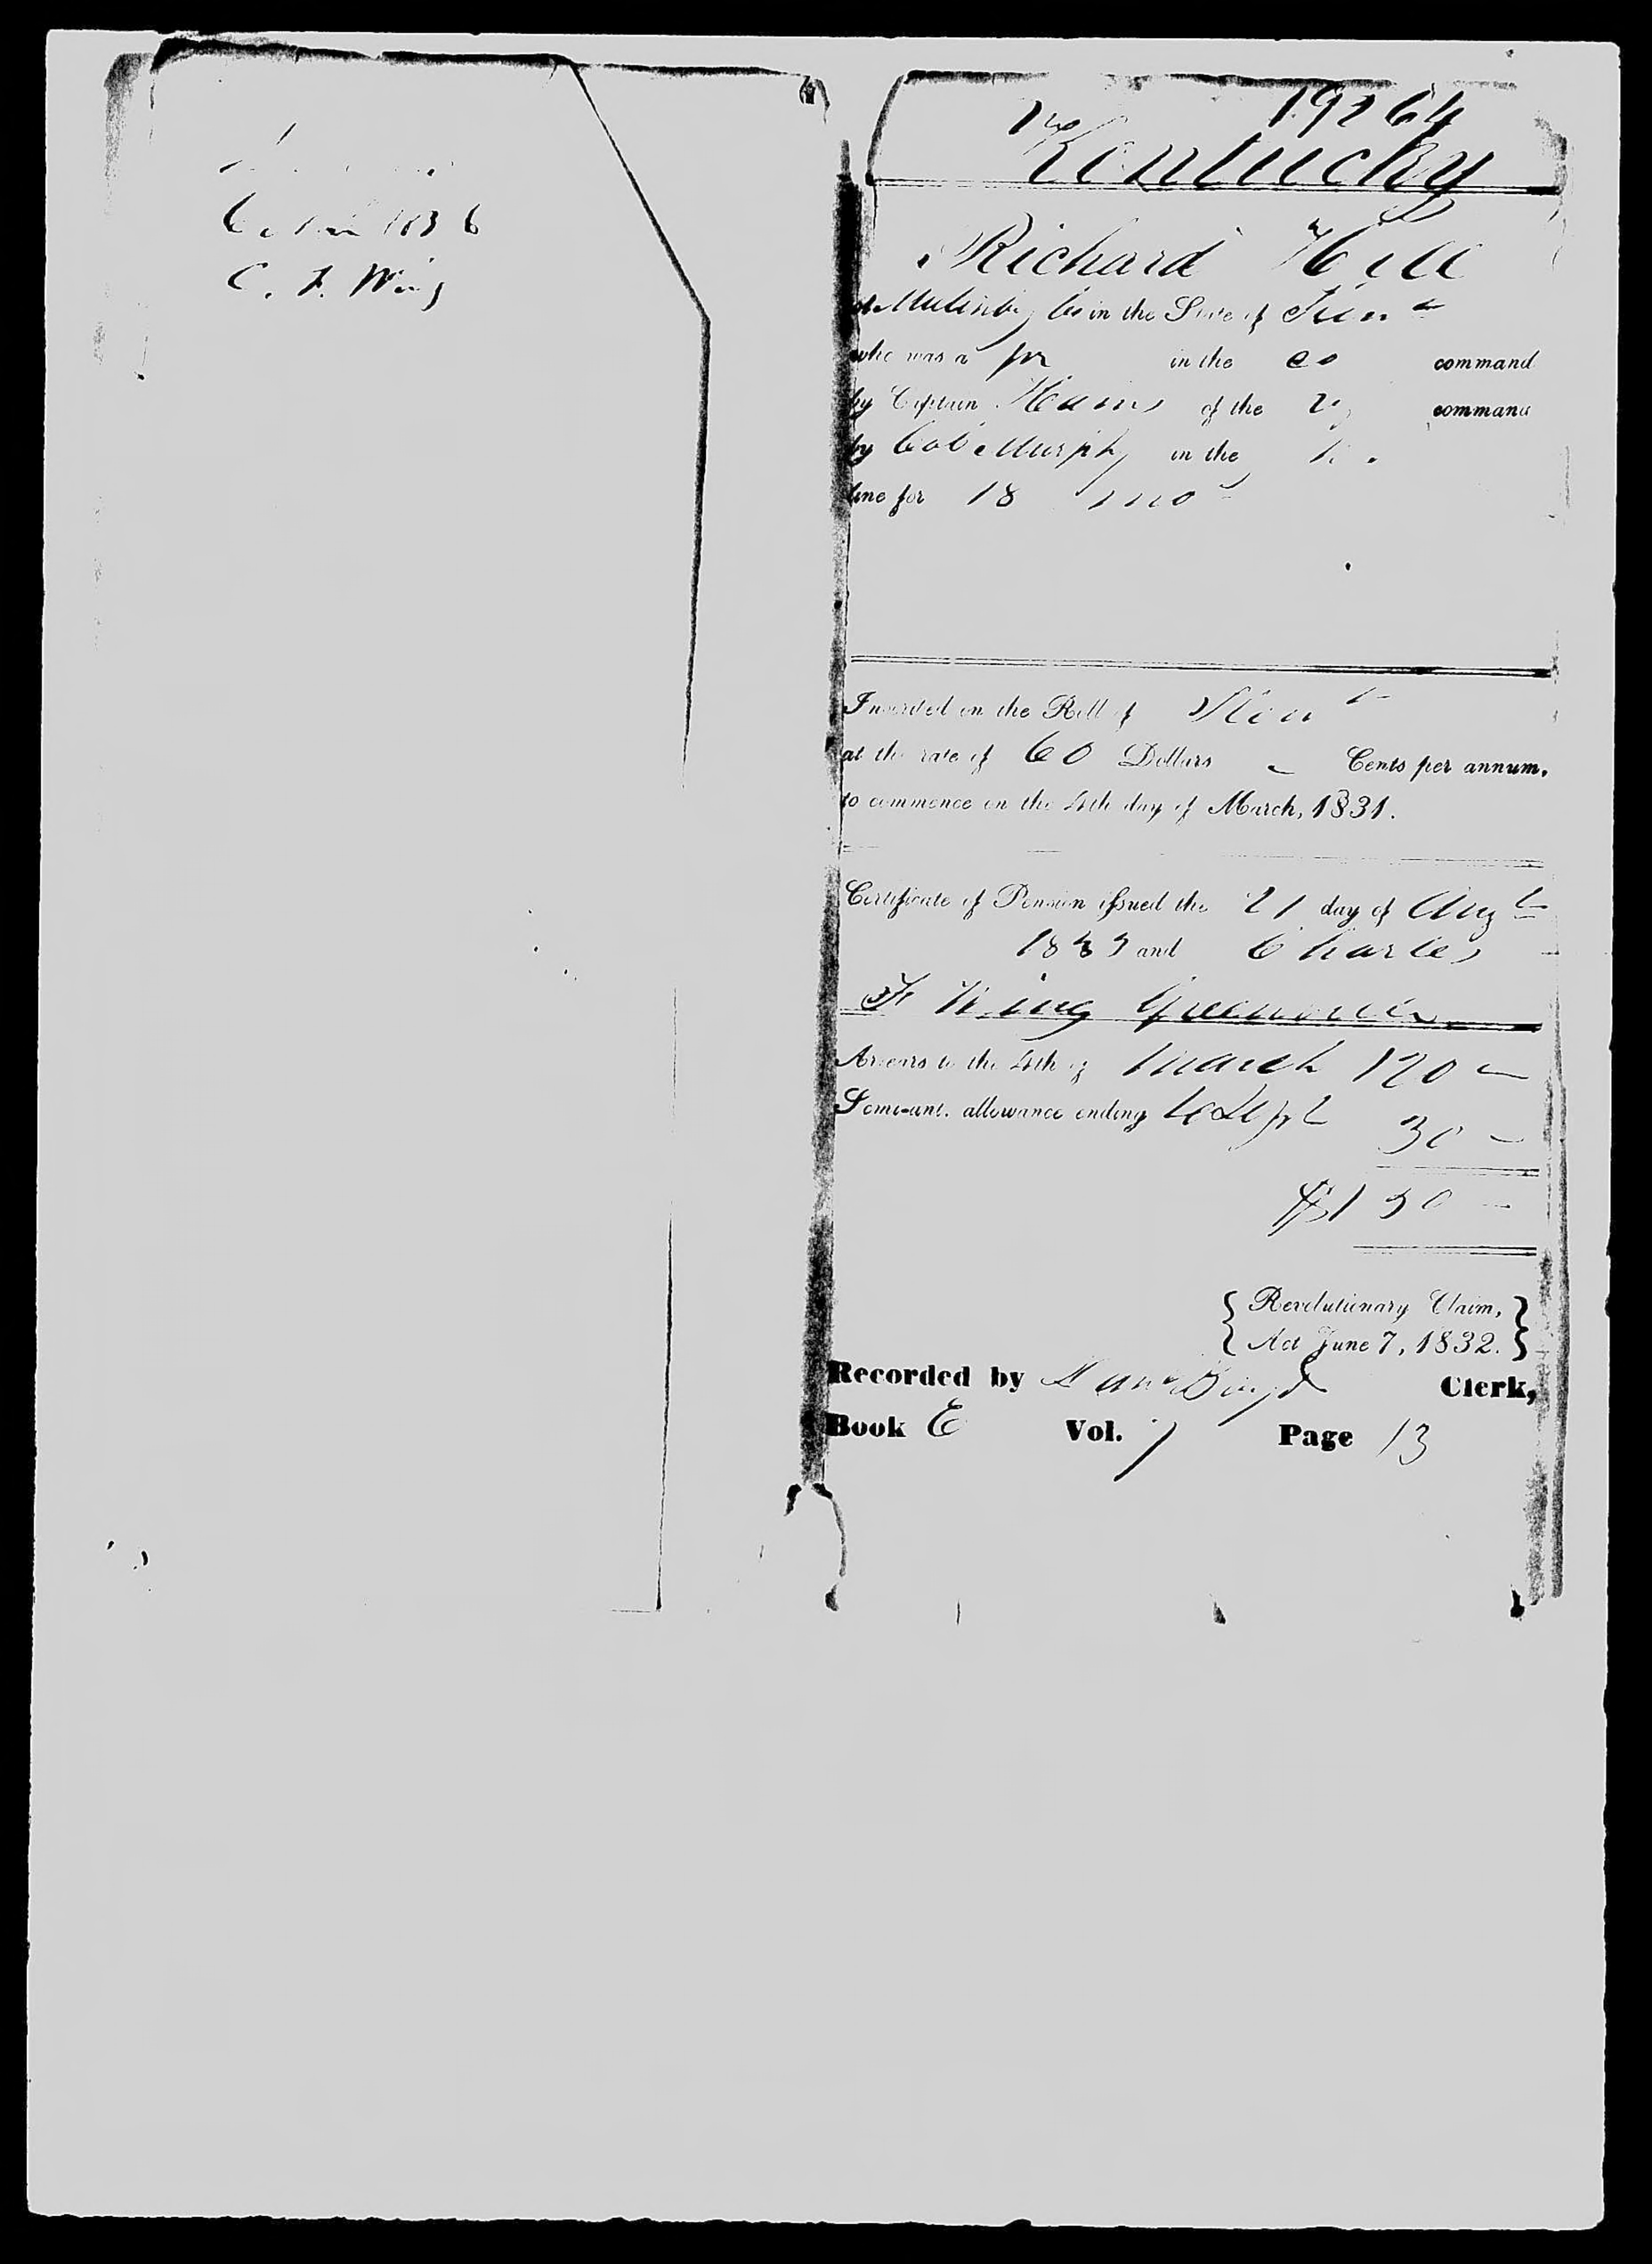[typed form, with handwritten responses]

[left side] [Illegible] 1836 C. F. Wing

19264
Kentucky
Richard Hill
of Muhlenberg Co. in the State of Keny [Kentucky]
who was a pr [Private] in the co [Company] commanded
by Captain Hains of the [Va?] commanded
by Col. [Illegible] in the [Va?]
line for 18 mo [months]

Inscribed on the Roll of Kenty [Kentucky]
at the rate of 60 Dollars - Cents per annum,
to commence on the 4th day of March 1831.

Certificate of Pension issued the 21 day of Aug
1833 and sent Charles F. Wing Greenville 

Arrears to the 4th of March 120.00
Semi=anl. [annual] allowance ending 4 Sept 30.00
$150.00
{Revolutionary Claim}
{Act June 7, 1832}
Recorded by Danl Boyd, Clerk
Book E Vol. 7 Page 13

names: Charles F Wing, Hains, Richard Hill, Danl Boyd, Murphy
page: 11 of 27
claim: rejected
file: R. 5006, Richard Hill, N.C.